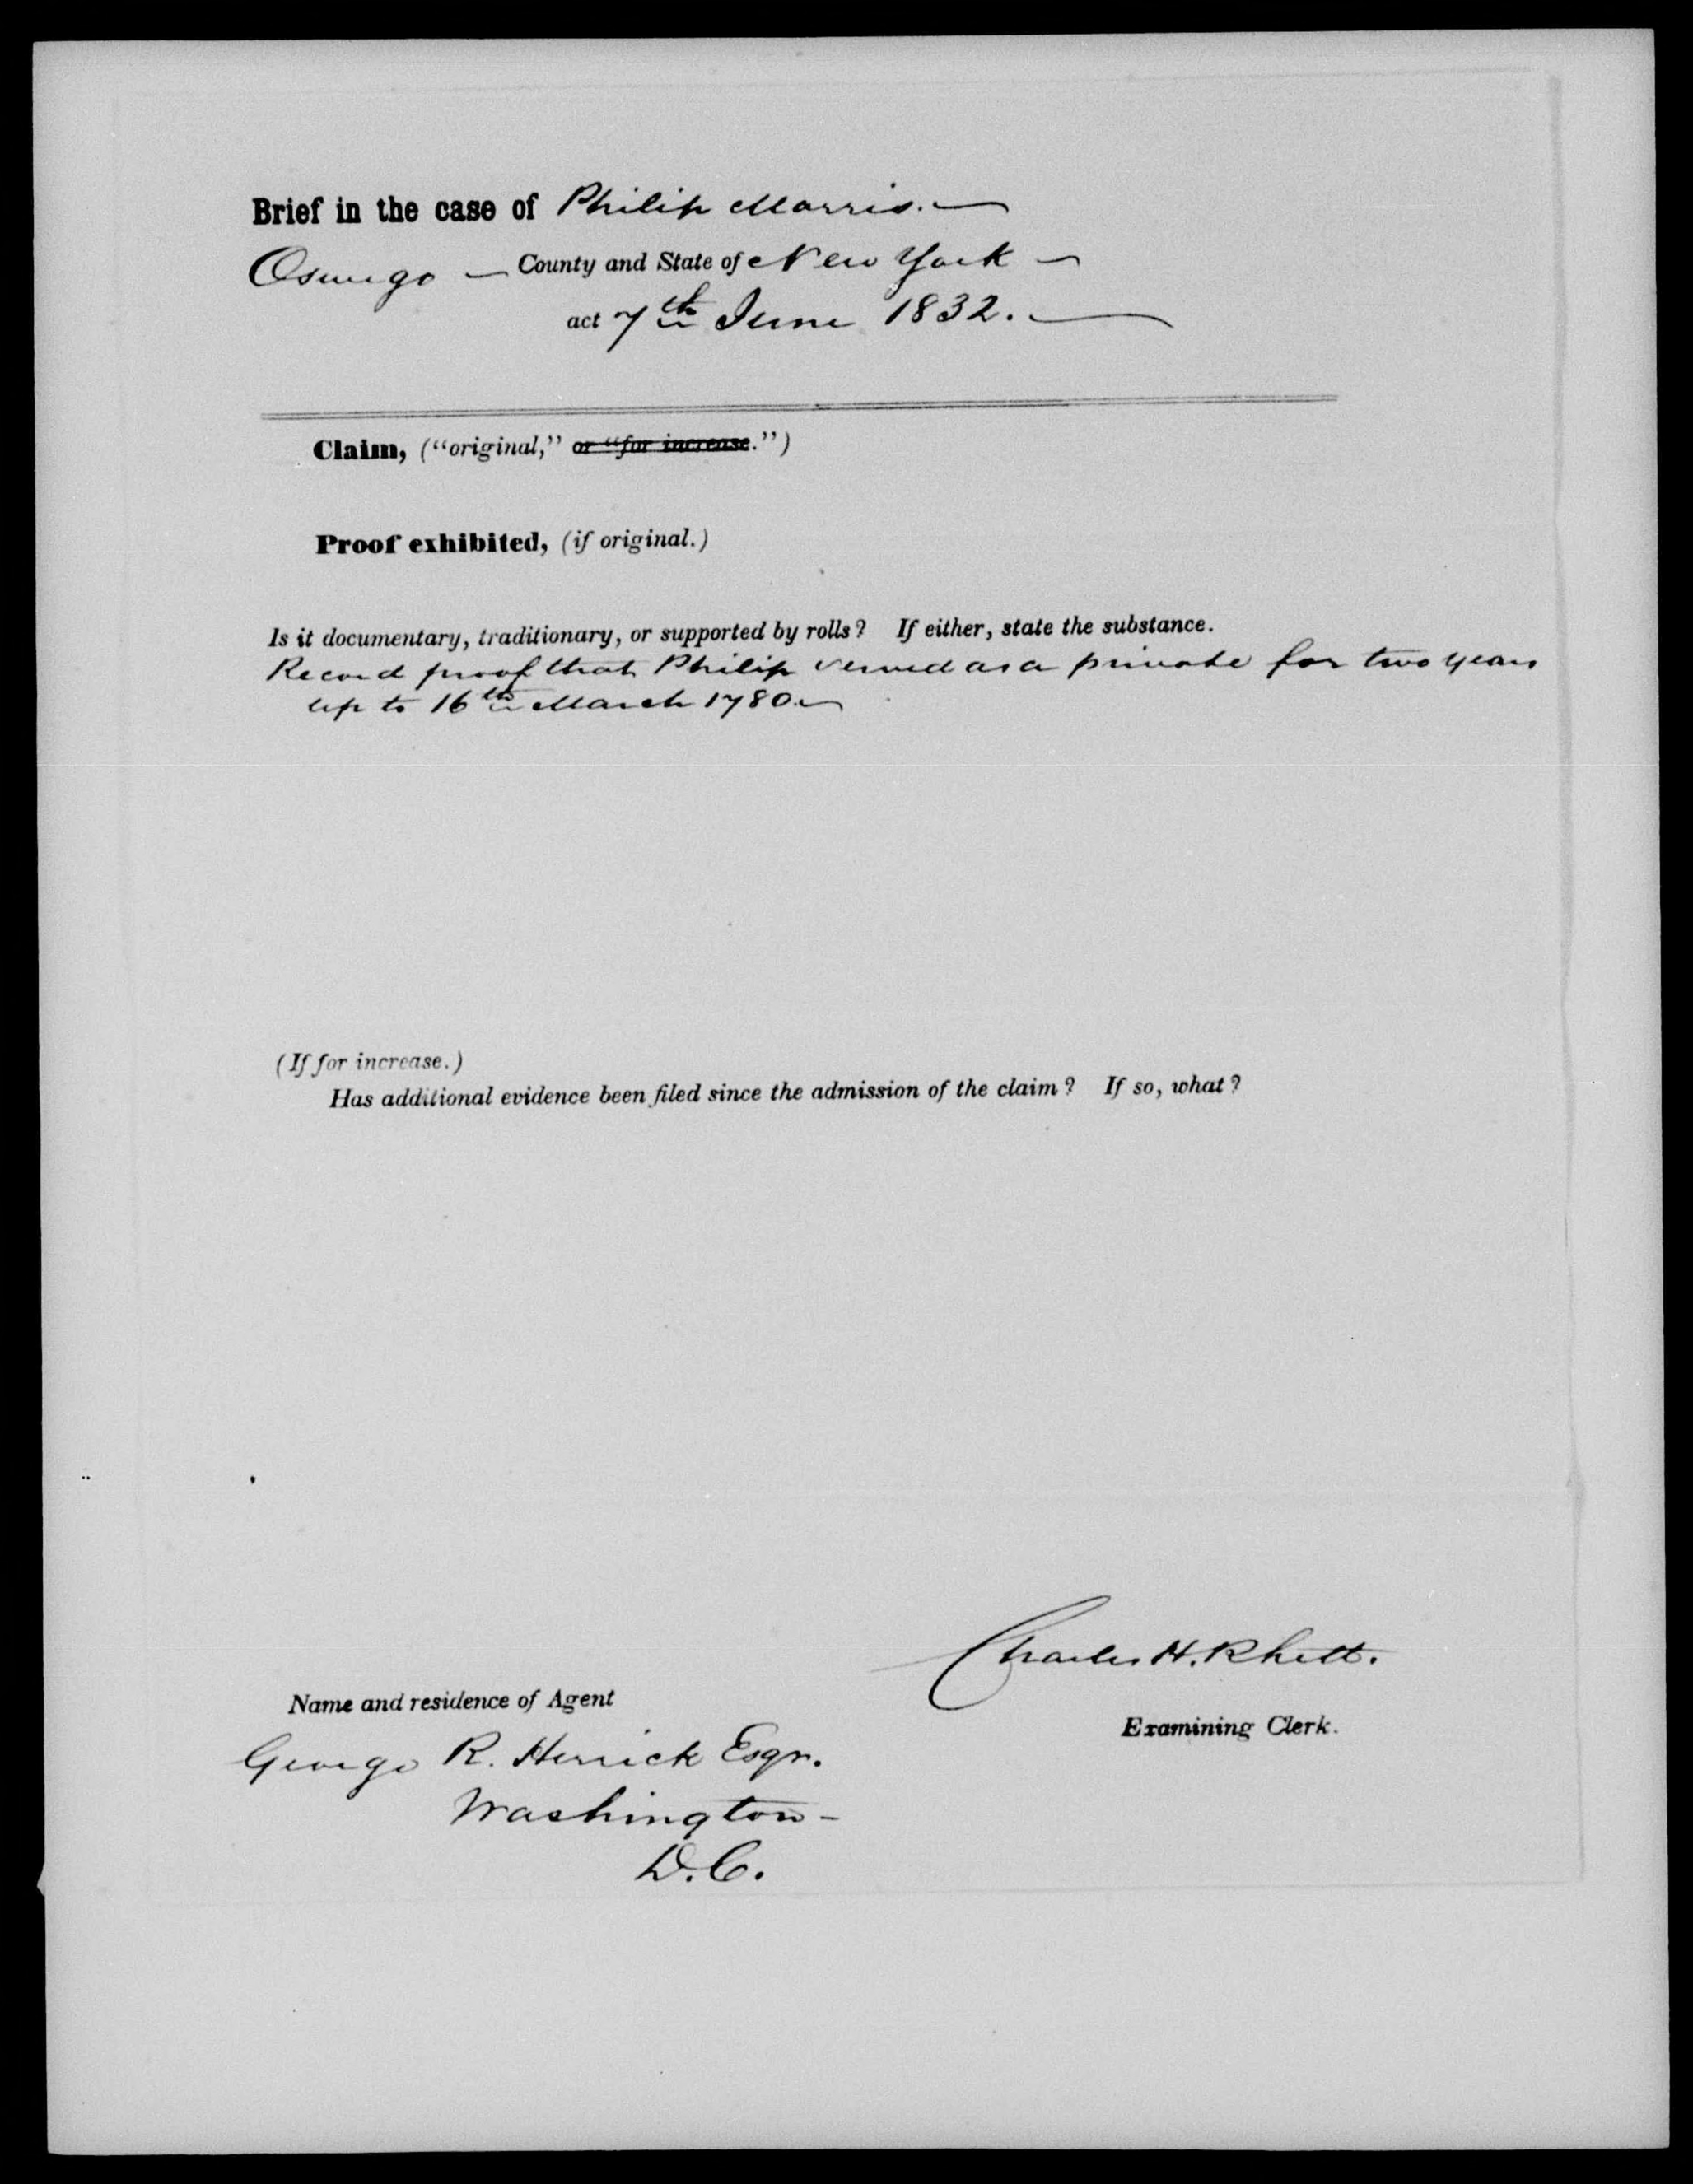Brief in the case of Philip Morris -
Oswego County and State of New York
act 7th June 1832.

Claim, ("original,")

Proof exhibited, (if original.)

Is it documentary, traditionary, or supported by rolls? If either, state the substance.
Record proof that Philip served as a private for two years up to 16th March 1780 - 

(If for increase.)
Has additional evidence been filed since the admission of the claim? If so, what? 

Charles H. Rhett. Examining Clerk.

Name and residence of Agent
George R. Herrick Esqr.
Washington - 
D.C.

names: Charles H Rhett; George R Herrick; Philip Morris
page: 29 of 44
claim: survivor's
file: S. 28,815, for Philip Morris, Rhode Island